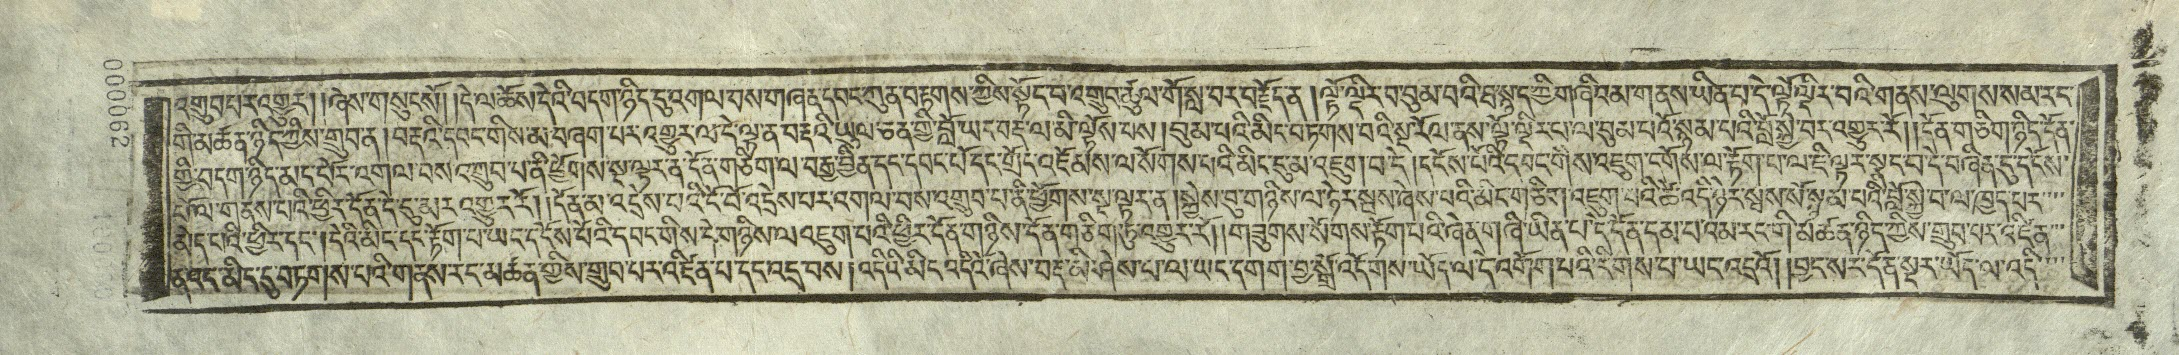འགྲུབ་པར་འགྱུར། །ཞེས་གསུངས་སོ། །དེ་ལ་ཆོས་དེའི་བདག་ཉིད་དུ་འགལ་བས་གཞན་དབང་ཀུན་བརྟགས་ཀྱིས་སྟོང་པ་འགྲུབ་ཚུལ་གོ་སླ་བར་བརྗོད་ན། ལྟོ་ལྡིར་བ་བུམ་པའི་ཐ་སྙད་ཀྱི་གཞི་འམ་གནས་ཡིན་པ་དེ་ལྟོ་ལྡིར་བའི་གནས་ལུགས་སམ་རང་
གི་མཚན་ཉིད་ཀྱིས་གྲུབ་ན། བརྡའི་དབང་གིས་མ་བཞག་པར་འགྱུར་ལ་དེ་ལྟ་ན་བརྡའི་ཡུལ་ཅན་གྱི་བློ་ཡང་བརྡ་ལ་མི་ལྟོས་པས། བུམ་པའི་མིང་བཏགས་པའི་སྔ་རོལ་ནས་ལྟོ་ལྡིར་བ་ལ་བུམ་པའོ་སྙམ་པའི་བློ་སྐྱེ་བར་འགྱུར་རོ། །དོན་གཅིག་ཉིད་དོན་
གྱི་བདག་ཉིད་མང་པོར་འགྲལ་བས་འགྲུབ་པ་ནི་ཕྱོགས་སྔ་ལྟར་ན་དོན་གཅིག་ལ་བརྒྱ་བྱིན་དང་དབང་པོ་དང་གྲོང་འཇོམས་ལ་སོགས་པའི་མིང་དུ་མ་འཇུག་པ་དེ། དངོས་པོའི་དབང་གིས་འཇུག་དགོས་ལ་རྟོག་པ་ལ་ཇི་ལྟར་སྣང་བ་དེ་བཞིན་དུ་དངོས་
པོ་ལ་གནས་པའི་ཕྱིར་དོན་དེ་དུ་མར་འགྱུར་རོ། །དོན་མ་འདྲེས་པའི་ངོ་བོ་འདྲེས་པར་འགལ་བས་འགྲུབ་པ་ནི་ཕྱོགས་སྔ་ལྟར་ན། སྐྱེས་བུ་གཉིས་ལ་ཉེར་སྦས་ཞེས་པའི་མིང་གཅིག་འཇུག་པའི་ཚེ་འདི་ཉེར་སྦས་སོ་སྙམ་པའི་བློ་སྐྱེ་བ་ལ་ཁྱད་པར་
མེད་པའི་ཕྱིར་དང་། དེའི་མིང་དང་རྟོག་པ་ཡང་དངོས་པོའི་དབང་གིས་དེ་གཉིས་ལ་འཇུག་པའི་ཕྱིར་དོན་གཉིས་དོན་གཅིག་ཏུ་འགྱུར་རོ། །གཟུགས་སོགས་རྟོག་པའི་ཞེན་གཞི་ཡིན་པ་དེ་དོན་དམ་པའམ་རང་གི་མཚན་ཉིད་ཀྱིས་གྲུབ་པར་འཛིན་
ནའང་མིང་དུ་བཏགས་པའི་གནས་རང་མཚན་གྱིས་གྲུབ་པར་འཛིན་པ་དང་འདྲ་བས། འདིའི་མིང་འདིའོ་ཞེས་བརྡ་མི་ཤེས་པ་ལ་ཡང་དགག་བྱ་སྒྲོ་འདོགས་ཡོད་ལ་དེ་འགོག་པའི་རིགས་པ་ཡང་འདྲའོ། །བྱང་སར་དོན་སྔར་ཡོད་ལ་འདི་